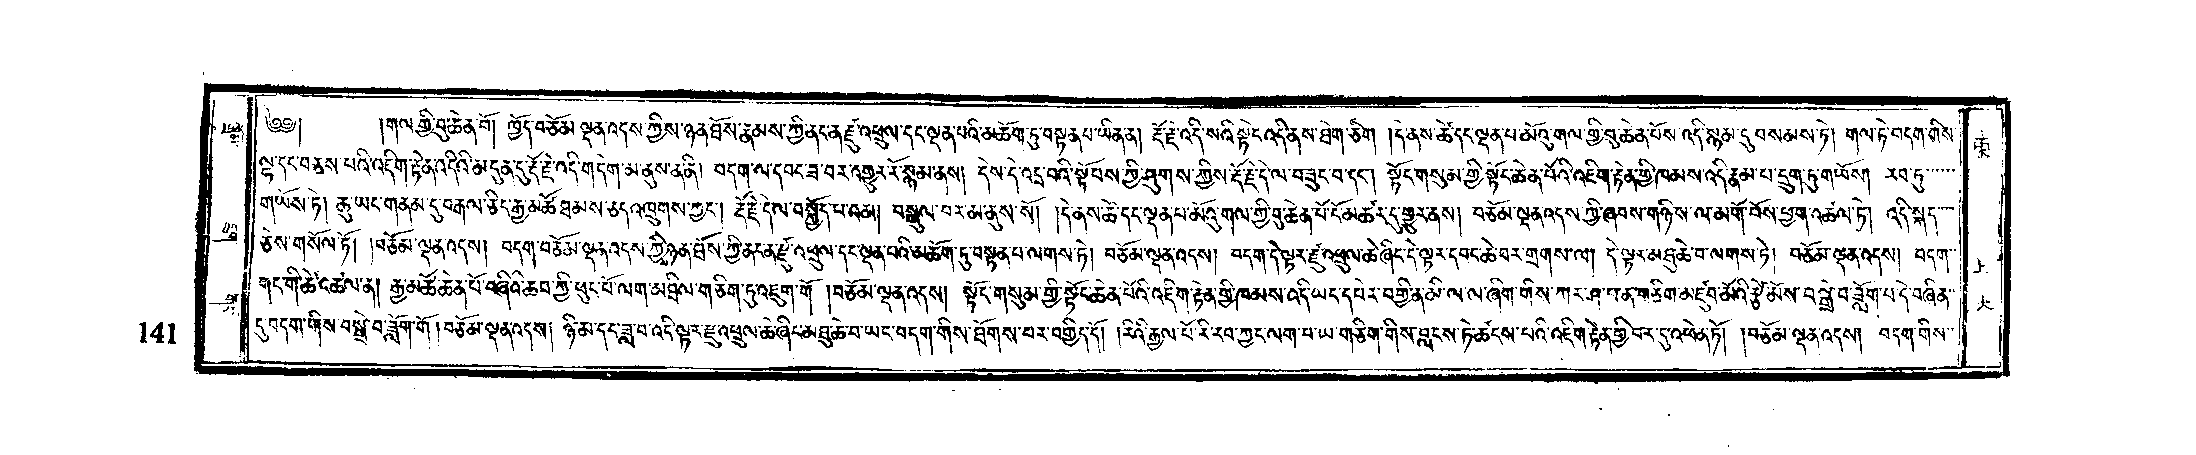༄༅། །གལ་གྱི་བུ་ཆེན་བོ། ཁྱོད་བཅོམ་ལྡན་འདས་ཀྱིས་ཉན་ཐོས་རྣམས་ཀྱི་ནང་ན་རྫུ་འཕྲུལ་དང་ལྡན་པའི་མཆོག་ཏུ་བསྟན་པ་ཡིན་ན། རྡོ་རྗེ་འདི་སའི་སྟེང་འདི་ནས་ཐེག་ཅིག །དེ་ནས་ཚེ་དང་ལྡན་པ་མོའུ་གལ་གྱི་བུ་ཆེན་པོས་འདི་སྙམ་དུ་བསམས་ཏེ། གལ་ཏེ་བདག་གིས་
ལྷ་དང་བཅས་པའི་འཇིག་རྟེན་འདིའི་མདུན་དུ་རྡོ་རྗེ་འདི་གདེག་མ་ནུས་ན་ནི། བདག་ལ་དབང་ཟ་བར་འགྱུར་རོ་སྙམ་ནས། དེས་དེ་འདྲ་བའི་སྟོབས་ཀྱི་ཤུགས་ཀྱིས་རྡོ་རྗེ་དེ་ལ་བཟུང་བ་དང་། སྟོང་གསུམ་གྱི་སྟོང་ཆེན་པོའི་འཇིག་རྟེན་གྱི་ཁམས་འདི་རྣམ་པ་དྲུག་ཏུ་གཡོས། རབ་ཏུ་
གཡོས་ཏེ། ཆུ་ཡང་གནམ་དུ་བརྒལ་ཅིང་རྒྱ་མཚོ་ཐམས་ཅད་འཁྲུགས་ཀྱང་། རྡོ་རྗེ་དེ་ལ་བསྐྱོད་པའམ། བསྒུལ་བར་མ་ནུས་སོ། །དེ་ནས་ཚེ་དང་ལྡན་པ་མོའུ་གལ་གྱི་བུ་ཆེན་པོ་ངོ་མཚར་དུ་གྱུར་ནས། བཅོམ་ལྡན་འདས་ཀྱི་ཞབས་གཉིས་ལ་མགོ་བོས་ཕྱག་འཚལ་ཏེ། འདི་སྐད་
ཅེས་གསོལ་ཏོ། །བཅོམ་ལྡན་འདས། བདག་བཅོམ་ལྡན་འདས་ཀྱིས་ཉན་ཐོས་ཀྱི་ནང་ན་རྫུ་འཕྲུལ་དང་ལྡན་པའི་མཆོག་ཏུ་བསྟན་པ་ལགས་ཏེ། བཅོམ་ལྡན་འདས། བདག་དེ་ལྟར་རྫུ་འཕྲུལ་ཆེ་ཞིང་དེ་ལྟར་དབང་ཆེ་བར་གྲགས་ལ། དེ་ལྟར་མཐུ་ཆེ་བ་ལགས་ཏེ། བཅོམ་ལྡན་འདས། བདག་
གང་གི་ཚེ་འཚལ་ན། རྒྱ་མཚོ་ཆེན་པོ་བཞིའི་ཆབ་ཀྱི་ཕུང་པོ་ལག་མཐིལ་གཅིག་ཏུ་འཇུག་གོ །བཅོམ་ལྡན་འདས། སྟོང་གསུམ་གྱི་སྟོང་ཆེན་པོའི་འཇིག་རྟེན་གྱི་ཁམས་འདི་ཡང་དཔེར་བགྱི་ན་མི་ལ་ལ་ཞིག་གིས་ཀར་ཤ་པ་ན་གཅིག་མཛུབ་མོའི་རྩེ་མོས་བསྒྲེ་བ་ཟློག་པ་དེ་བཞིན་
དུ་བདག་གིས་བསྒྲེ་བ་ཟློག་གོ །བཅོམ་ལྡན་འདས། ཉི་མ་དང་ཟླ་བ་འདི་ལྟར་རྫུ་འཕྲུལ་ཆེ་ཞིང་མཐུ་ཆེ་བ་ཡང་བདག་གིས་ཐོགས་པར་བགྱིད་དོ། །རིའི་རྒྱལ་པོ་རི་རབ་ཀྱང་ལག་པ་ཡ་གཅིག་གིས་བླངས་ཏེ་ཚངས་པའི་འཇིག་རྟེན་གྱི་བར་དུ་འཕེན་ཏོ། །བཅོམ་ལྡན་འདས། བདག་གིས་